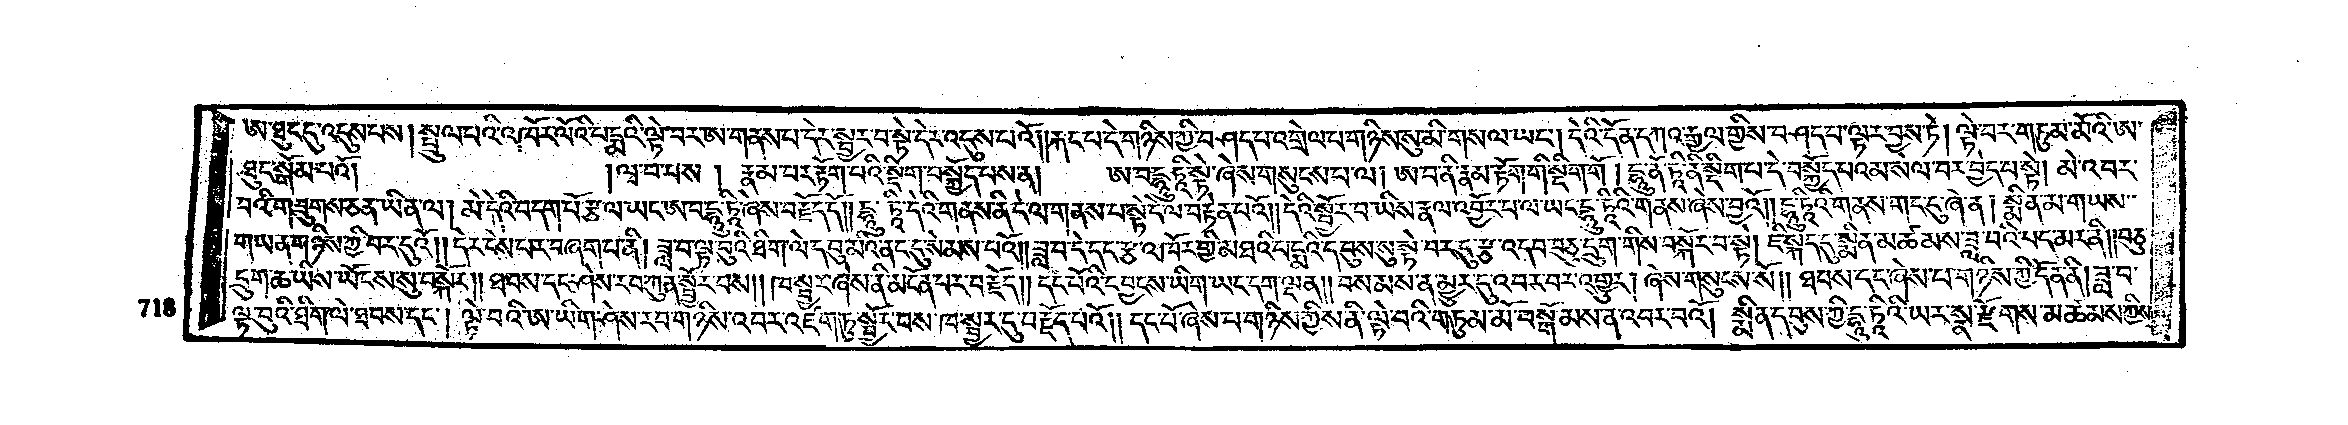ཨ་ཐུང་དུ་འདུས་པས། སྤྲུལ་པའི་འཁོར་ལོའི་པདམའི་ལྟེ་བར་ཨ་གནས་པ་དེར་སྦྱར་བ་སྟེ་དེར་འདུས་པའོ། །རྐང་པ་དེ་གཉིས་ཀྱི་བཤད་པ་འགྲེལ་པ་གཉིས་སུ་མི་གསལ་ཡང་། དེའི་དོན་དཀའ་རྒྱལ་གྱིས་བཤད་པ་ལྟར་བྱས་ཏེ། ལྟེ་བར་གཏུམ་མོའི་ཨ་
ཐུང་སྒོམ་པའོ། །ལྭ་བ་པས། རྣམ་པར་རྟོག་པའི་སྡིག་བསྐྱོད་པས་ན། ཨ་བ་དྷཱུ་ཏཱི་སྟེ་ཞེས་གསུངས་པ་ལ། ཨ་བ་ནི་རྣམ་རྟོག་གི་སྡིག་གོ། དྷཱུ་ནོ་ཏཱི་ནི་སྡིག་པ་དེ་བསྐྱོད་པའམ་སེལ་བར་བྱེད་པ་སྟེ། མེ་འབར་
བའི་གཟུགས་ཅན་ཡིན་ལ། མེ་དེའི་བདག་པོ་རྩ་ལ་ཡང་ཨ་བ་དྷཱུ་ཏཱི་ཞེས་བརྗོད་དོ། །དྷཱུ་ཏཱི་དེའི་གནས་ནི་དེ་ལ་གནས་པ་སྟེ་དེ་ལ་བརྟེན་པའོ། །དེའི་སྦྱོར་བ་ཡིས་རྣལ་འབྱོར་པ་ལ་ཡང་དྷཱུ་ཏཱིའི་གནས་ཞེས་བྱའོ། །དྷཱུ་ཏཱིའི་གནས་གང་དུ་ཞེ་ན། སྨིན་མ་གཡས་
གཡན་གཉིས་ཀྱི་བར་དུའོ། །དེར་ངེས་པར་བཞག་པ་ནི། ཟླ་བ་ལྟ་བུའི་ཐིག་ལེ་དབུ་མའི་ནང་དུ་སེམས་པའོ། །ཟླ་བ་དེ་དང་རྩ་འཁོར་གྱི་མཐའི་པདམའི་དབུས་སུ་སྟེ་བར་དུ་རྩ་འདབ་བཅུ་དྲུག་གིས་བསྐོར་བ་སྟེ། ཇི་སྐད་དུ་སྨིན་མཚམས་ཟླ་བའི་པད་མར་ནི། །བཅུ་
དྲུག་ཆ་ཡིས་ཡོངས་སུ་བསྐོར། །ཐབས་དང་ཤེས་རབ་ཀུན་སྦྱོར་བས། །ཁ་སྦྱར་ཞེས་ནི་མངོན་པར་བརྗོད། །དང་པོའི་དབྱངས་ཡིག་ཡང་དག་ལྡན། །བསམས་ན་མྱུར་དུ་འབར་བར་འགྱུར། ཞེས་གསུངས་སོ། །ཐབས་དང་ཞེས་པ་གཉིས་ཀྱི་དོན་ནི། ཟླ་བ་
ལྟ་བུའི་ཐིག་ལེ་ཐབས་དང་། ལྟེ་བའི་ཨ་ཡིག་ཤེས་རབ་གཉིས་འབར་འཛག་ཏུ་སྦྱོར་བས་ཁ་སྦྱར་དུ་བརྗོད་པའོ། །དང་པོ་ཞེས་པ་གཉིས་ཀྱིས་ནི་ལྟེ་བའི་གཏུམ་མོ་བསྒོམས་ན་འབར་བའོ། སྨིན་དབུས་ཀྱི་དྷཱུ་ཏཱིའི་ཡར་སྣ་རྫོགས་མཚམས་ཀྱིས་